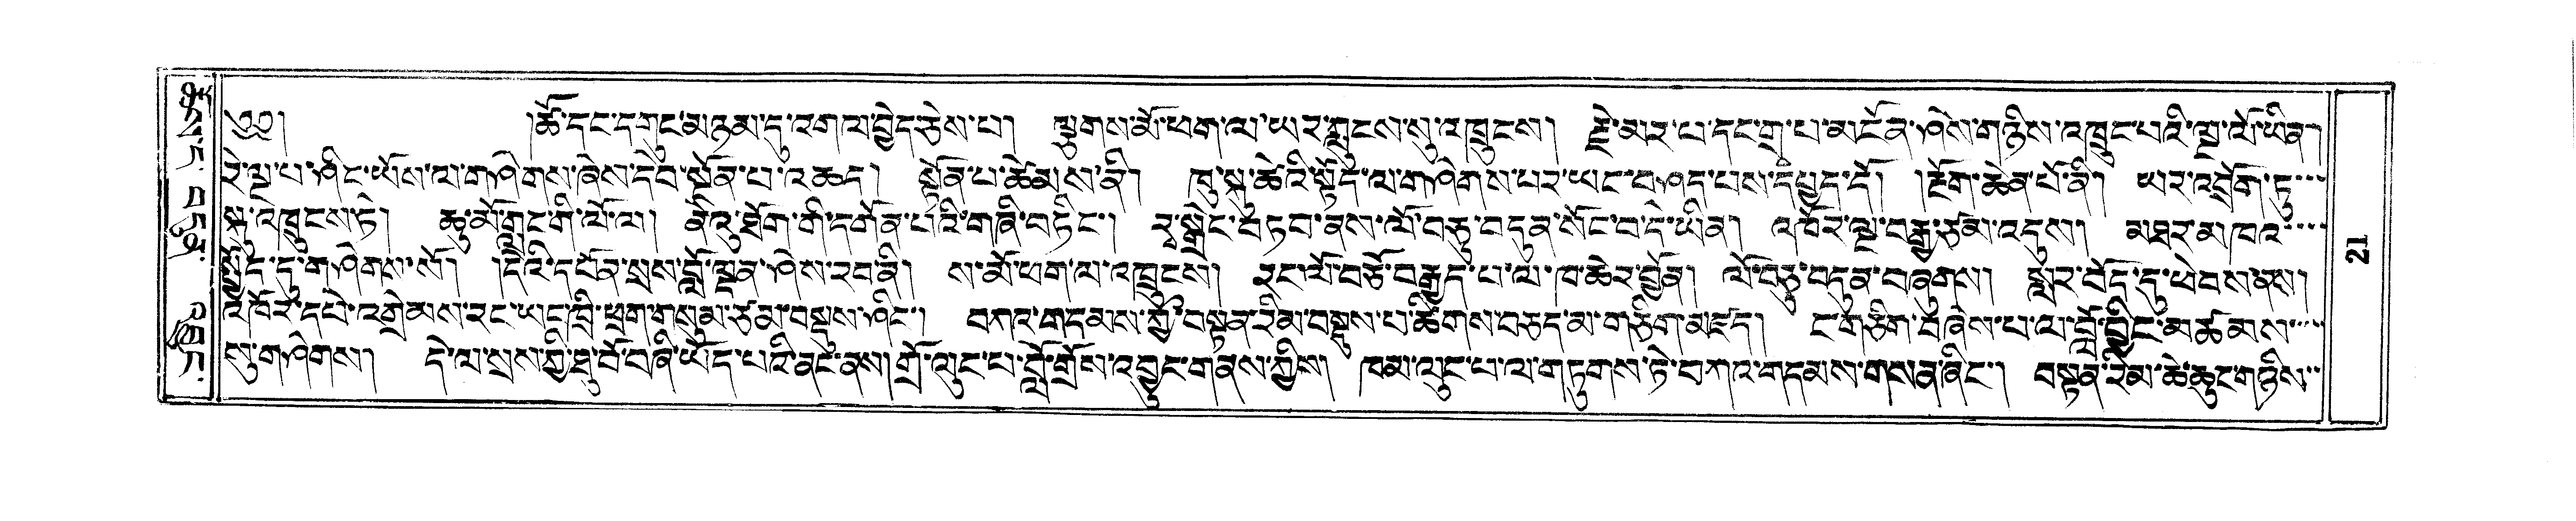༄༅། །ཚོ་དང་དགུང་མཉམ་དུ་འགལ་བྱེད་ཅེས་པ། ལྕགས་མོ་ཕག་ལ་ཡར་ཀླུངས་སུ་འཁྲུངས། རྗེ་མར་པ་དང་གྲྭ་པ་མངོན་ཤེས་གཉིས་འཁྲུང་པའི་ལྔ་ལོ་ཡིན།
རེ་ལྔ་པ་ཤིང་ཡོས་ལ་གཤེགས་ཞེས་དེབ་སྔོན་པ་འཆད། སྟོན་པ་ཚེམས་ནི། ཁུ་སྐུ་ཚེའི་སྟོད་ལ་གཤེགས་པར་ཡང་བཤད་པས་དཔྱད་དོ། །རྔོག་ཆེན་པོ་ནི། ཡར་འབྲོག་ཏུ་
སྐུ་འཁྲུངས་ཏེ། ཆུ་མོ་གླང་གི་ལོ་ལ། ནེའུ་ཐོག་གི་དགོན་པའི་གཞི་བཏིང་། རྭ་སྒྲེང་བཏབ་ནས་ལོ་བཅུ་བདུན་སོང་བ་དེ་ཡིན། འཁོར་ལྔ་བརྒྱ་ཙམ་འདུས། མཐར་མཁའ་
སྤྱོད་དུ་གཤེགས་སོ། །དེའི་དཔོན་སྲས་བློ་ལྡན་ཤེས་རབ་ནི། ས་མོ་ཕག་ལ་འཁྲུངས། རང་ལོ་བཅོ་བརྒྱད་པ་ལ་ཁ་ཆེར་བྱོན། ལོ་བཅུ་བདུན་བཞུགས། སླར་བོད་དུ་ཕེབས་ནས།
འཁོར་དཔེ་འགྲེམས་རང་ཡང་ཁྲི་ཕྲག་གསུམ་ཙམ་བསྡུས་ཤིང་། བཀའ་གདམས་ཀྱྀ་བསྟན་རིམ་བསྡུས་པ་ཚིགས་བཅད་མ་གཅིག་མཛད། ང་གཅིག་བཞེས་པ་ལ་བློ་བྱིང་མཚམས་
སུ་གཤེགས། དེ་ལ་སྲས་ཀྱི་ཐུ་བོ་བཞི་ཡོད་པའི་ནང་ནས། གྲོ་ལུང་པ་བློ་གྲོས་འབྱུང་གནས་ཀྱིས། ཁམ་ལུང་པ་ལ་གཏུགས་ཏེ་བཀའ་གདམས་གསན་ཞིང་། བསྟན་རིམ་ཆེ་ཆུང་གཉིས་